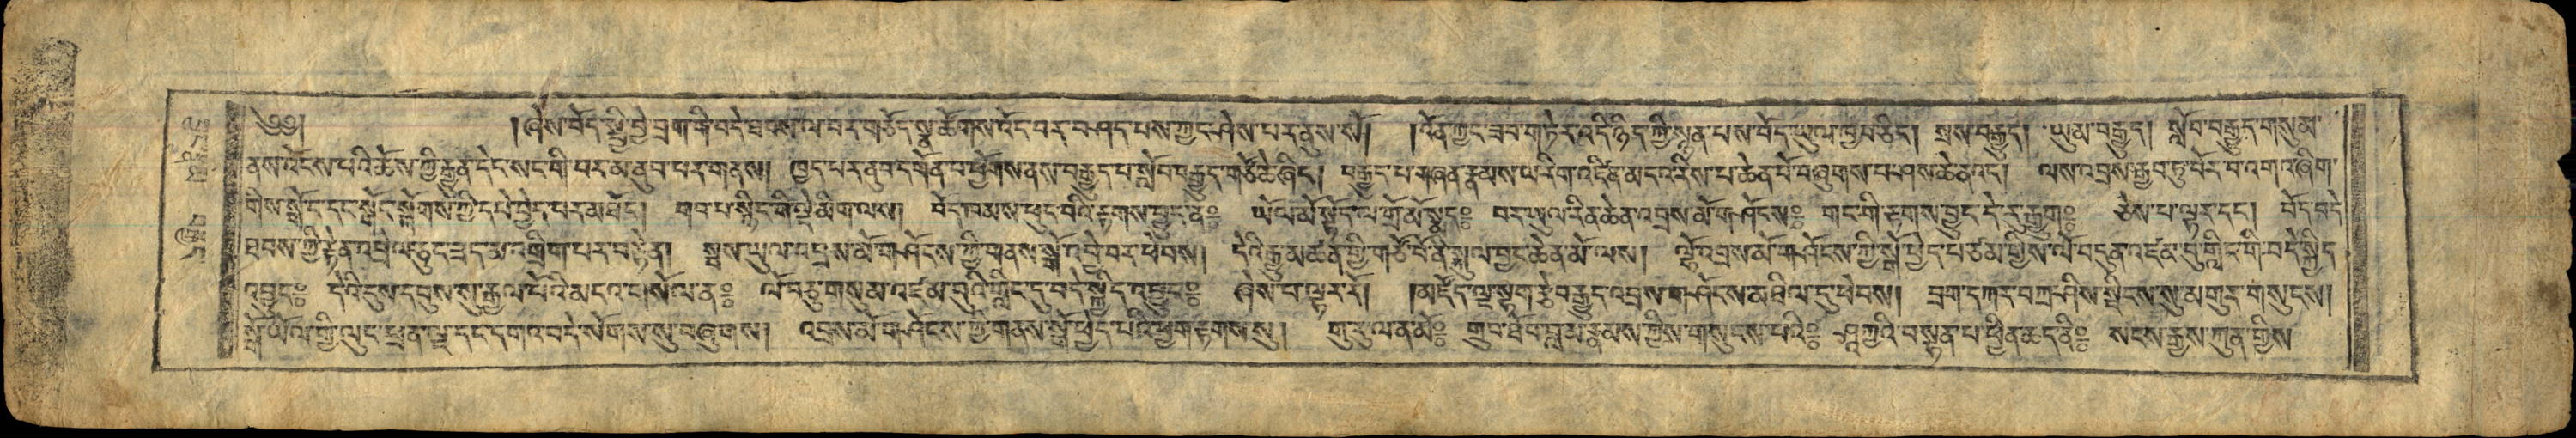༄༅། །ཞེས་བོད་སྤྱི་བྱེ་བྲག་གི་བདེ་ཐབས་ལ་བར་གཅོད་སྣ་ཚོགས་འོད་བར་བཤད་པས་ཀྱང་ཤེས་པར་ནུས་སོ། །འོན་ཀྱང་ཟབ་གཏེར་འདི་ཉིད་ཀྱི་སྙན་པས་བོད་ཡུལ་ཁྱབ་ཅིང་། སྲས་བརྒྱུད། ཡུམ་བརྒྱུད། སློབ་བརྒྱུད་གསུམ་
ནས་འོངས་པའི་ཆོས་ཀྱི་རྒྱུན་དེང་སང་གི་བར་མ་ནུབ་པར་གནས། ཁྱད་པར་ནུབ་དགོན་པ་ཕྱོགས་ནས་བརྒྱུད་པ་སློབ་བརྒྱུད་གཙོ་ཆེ་ཞིང་། བརྒྱུད་པ་གཞན་རྣམས་ལ་རིག་འཛིན་མངའ་རིས་པ་ཆེན་པོ་བཞུགས་པ་ཤས་ཆེ་ནའང་། ལས་འབྲས་རྒྱབ་ཏུ་བོར་བ་འགའ་ཞིག་
གིས་སྒོང་དང་སྒོང་སྐོགས་ཀྱི་དཔེ་བྱེད་པར་མཐོང་། གབ་པ་སྙིང་གི་ལྡེ་མིག་ལས། བོད་ཁམས་ཕུང་བའི་རྟགས་བྱུང་ནཿ་ཡོལ་མོ་སྟོད་ལ་གྲོ་མོ་སྨདཿ་བར་ཡུལ་རིན་ཆེན་འབྲས་མོ་གཤོངསཿ་གང་གི་རྟགས་བྱུང་དེ་རུ་རྒྱུགཿ་ཅེས་པ་ལྟར་དང་། བོད་བདེ་
ཐབས་གྱི་རྟེན་འབྲེལ་ཅུང་ཟད་མ་འགྲིག་པར་བརྟེན། སྦས་ཡུལ་འབྲས་མོ་གཤོངས་ཀྱི་གནས་སྒོ་འབྱེ་བར་ཕེབས། དེའི་རྒྱུ་མཚན་གྱི་གཙོ་བོ་ནི་ཡུལ་བྱང་ཆེན་མོ་ལས། ལྷོ་འབྲས་མོ་གཤོངས་ཀྱི་སྒོ་ཕྱེད་པ་ཙམ་གྱིས་ལོ་བདུན་འཛམ་བུ་གླིང་གི་བདེ་སྐྱིད་
འབྱུངཿ་དེའི་དུས་དབུས་སུ་རྒྱལ་པོའི་མངའ་གསོལ་ནཿ་ལོ་བཅུ་གསུམ་འཛམ་བུའི་གླིང་དུ་བདེ་སྐྱིད་འབྱུངཿ་ཞེས་པ་ལྟར་རོ། །མཛོད་ལྔ་སྟག་རྩེ་བརྒྱུད་འབྲས་གཤོངས་མཐིལ་དུ་ཕེབས། བྲག་དཀར་བཀྲ་ཤིས་སྡིངས་སུ་མགུར་གསུངས།
སྒོ་ཡོལ་གྱི་ལུང་ཕྲན་ལྔ་དང་དགའ་བདེ་སོགས་སུ་བཞུགས། འབྲས་མོ་གཤོངས་ཀྱི་གནས་སྒོ་ཕྱེད་པའི་ཕྱག་རྟགས་སུ། གུ་རུ་ལ་ན་མོཿ་གྲུབ་ཐོབ་བླ་མ་རྣམས་ཀྱིས་གསུངས་པའིཿ་ཤཱཀྱའི་བསྟན་པ་ཕྱིན་ཆད་ནིཿ་སངས་རྒྱས་ཀུན་གྱིས།